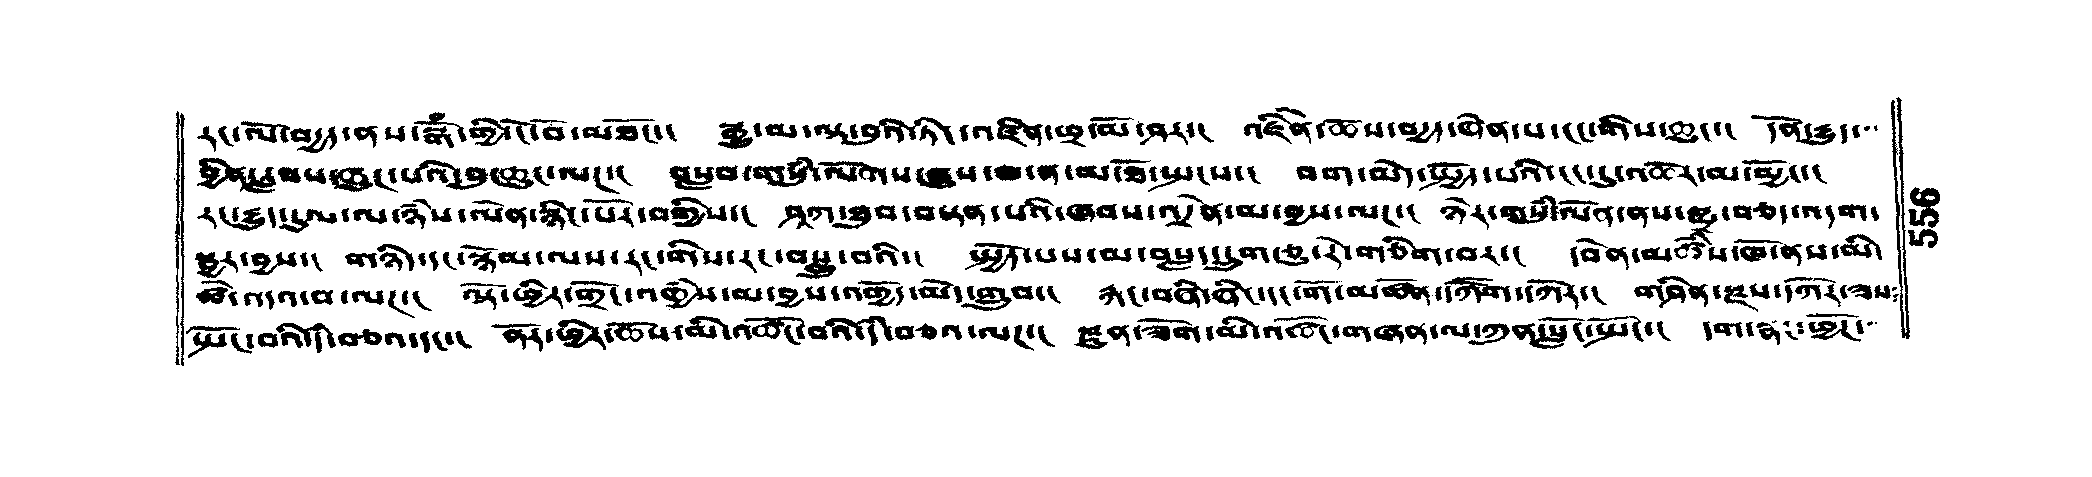།རང་ལོ་བརྒྱད་ནས་སྒོམ་གྱི་ངོ་བོ་མཐོང་། །སྒྱུ་མ་ལྟ་བུའི་ཏིང་འཛིན་ཕྲ་མོ་ཤར། །འཇིག་རྟེན་ཆོས་བརྒྱད་ཞེན་པ་ངང་གིས་ཆུང་། །དོན་རྒྱུད་
བྱིན་རླབས་ཞུགས་པའི་བུ་ཆུང་ལགས། །བསླབ་གསུམ་ལེགས་ཞུས་ཁ་ན་མ་ཐོ་སྤངས། །བག་མེད་སྤྱོད་པའི་ངང་དུ་འཆོར་མ་མྱོང་། །
རང་རྒྱུད་དུལ་ལ་ཉམས་ལེན་སྙིང་པོར་བགྱིས། །ཤཱཀ་ཐུབ་བསྟན་པའི་ཞབས་འདྲེན་མ་བྱས་ལགས། །ཉེར་གསུམ་ལོ་ནས་སྨྲ་བཅད་འདག་
སྦྱར་བྱས། །གཉིད་དང་སྙོམ་ལས་རང་གིས་རང་བསླུ་བའི། །སྤྱོད་པས་མ་བསླད་དྲུག་ཅུ་རེ་གཅིག་བར། །དབེན་མཚམས་ཁོ་ནས་མི་
ཚེ་འདའ་བ་ལགས། །ལྟོ་ཕྱིར་གྲོང་འཁྱམས་མ་བྱས་འགྱོད་མེད་གྲུབ། །རྐང་བཞི་ཞིང་དང་གོ་མཚོན་དཀོན་མཆོག་དཀོར། །གཤིན་རྫས་དཀོར་ཟས་
སྤོང་བའི་དམ་བཅའ་དང་། །ནོར་ཕྱིར་ཆོས་མི་འཚོང་བའི་དམ་བཅའ་ལགས། །རྫུན་ཟོག་མི་འཚོང་གཞན་ལ་ཀུན་སློང་སྤོང་། །དག་སྣང་ཕྱོགས་